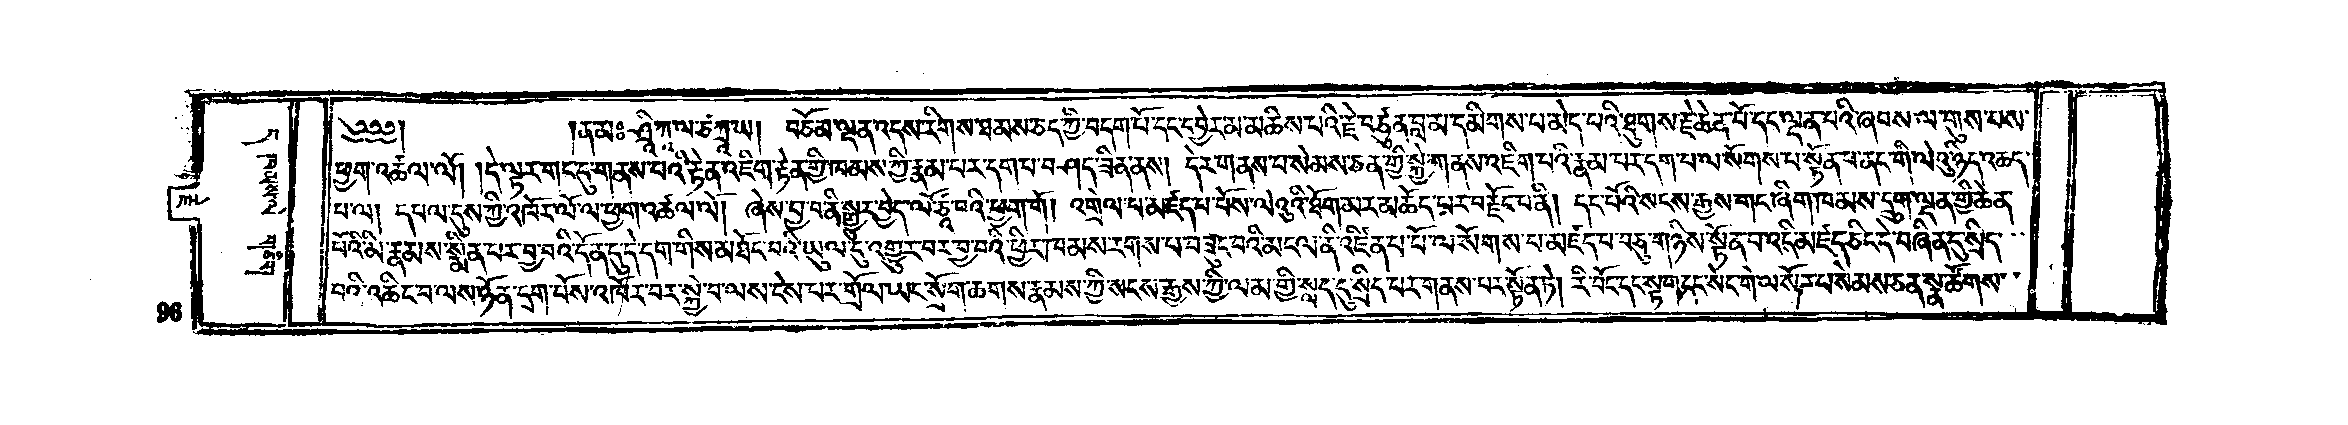༄༅༅། །ན་མཿ ཤྲཱི་ཀཱ་ལ་ཙ་ཀྲཱ་ཡ། བཅོམ་ལྡན་འདས་རིགས་ཐམས་ཅད་ཀྱི་བདག་པོ་དང་དབྱེར་མ་མཆིས་པའི་རྗེ་བཙུན་བླ་མ་དམིགས་པ་མེད་པའི་ཐུགས་རྗེ་ཆེན་པོ་དང་ལྡན་པའི་ཞབས་ལ་གུས་པས་
ཕྱག་འཚལ་ལོ། །དེ་ལྟར་གང་དུ་གནས་པའི་རྟེན་འཇིག་རྟེན་གྱི་ཁམས་ཀྱི་རྣམ་པར་དག་པ་བཤད་ཟིན་ནས། དེར་གནས་པ་སེམས་ཅན་གྱི་སྐྱེ་གནས་འཇིག་པའི་རྣམ་པར་དག་པ་ལ་སོགས་པ་སྟོན་པ་ནང་གི་ལེའུ་ཉིད་འཆད་
པ་ལ། དཔལ་དུས་ཀྱི་འཁོར་ལོ་ལ་ཕྱག་འཚལ་ལོ། ཞེས་བྱ་བ་ནི་སྒྱུར་བྱེད་ལོ་ཙཱ་བའི་ཕྱག་གོ། འགྲེལ་པ་མཛད་པ་པོས་ལེའུའི་ཐོག་མར་མཆོད་པར་བརྗོད་པ་ནི། དང་པོའི་སངས་རྒྱས་གང་ཞིག་ཁམས་དྲུག་ལྡན་གྱི་ཆེན་
པོའི་མི་རྣམས་སྨིན་པར་བྱ་བའི་དོན་དུ་དེ་དག་གིས་མཐོང་བའི་ཡུལ་དུ་འགྱུར་བར་བྱ་བའི་ཕྱིར་ཁམས་རགས་པ་བཟུང་བའི་མངལ་ནི་འཛིན་པ་པོ་ལ་སོགས་པ་མཛད་པ་བཅུ་གཉིས་སྟོན་པ་འདི་མཛད་ཅིང་དེ་བཞིན་དུ་སྲིད་
པའི་འཆིང་བ་ལས་ཉོན་དྲག་པོས་འཁོར་བར་སྐྱེ་བ་ལས་ངེས་པར་གྲོལ་ཡང་སྲོག་ཆགས་རྣམས་ཀྱི་སངས་རྒྱས་ཀྱི་ལམ་གྱི་སླད་དུ་སྲིད་པར་གནས་པར་སྟོན་ཏེ། རི་བོང་དང་སྟག་དང་སེང་གེ་ལ་སོགས་པ་སེམས་ཅན་སྣ་ཚོགས་